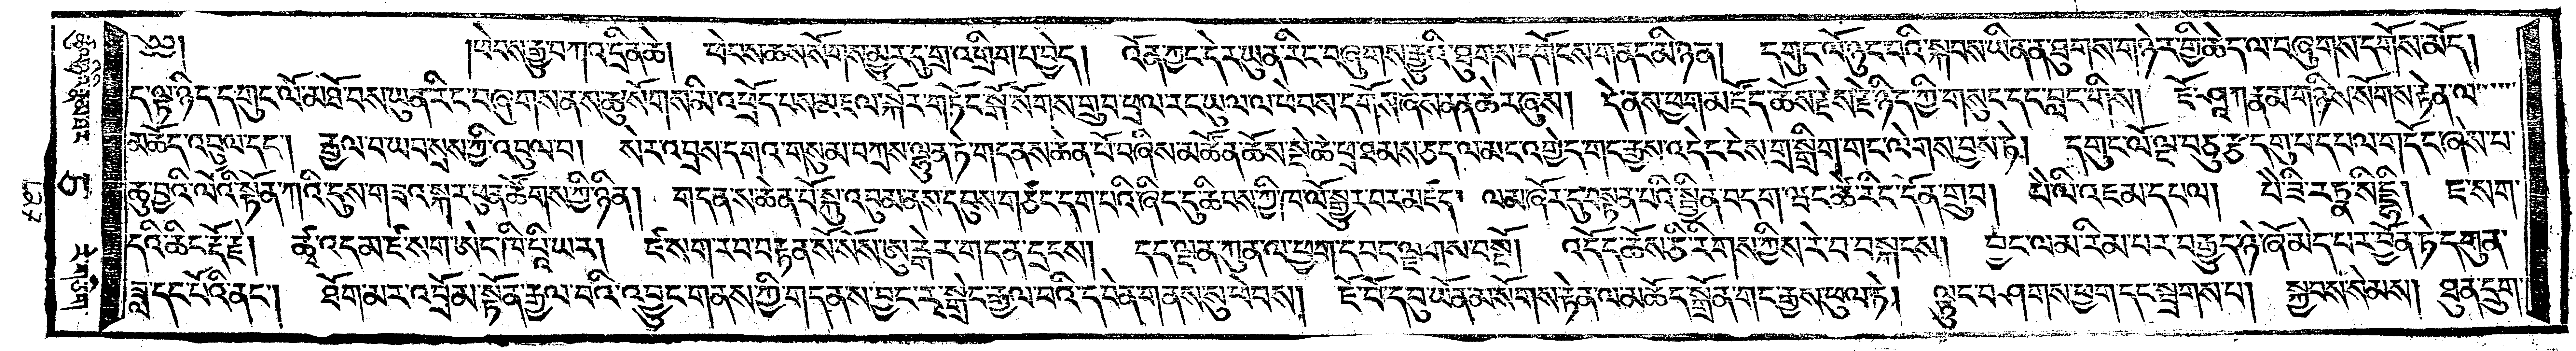༄༅། །ཕེབས་རྒྱུ་བཀའ་དྲིན་ཆེ། ཕེབས་ཆས་སོགས་མྱུར་དུ་གྲ་འགྲིག་པ་བྱེད། འོན་ཀྱང་དེར་ཡུན་རིང་བཞུགས་རྒྱུའི་ཐུགས་དགོངས་གནང་མི་ཉན། དགུང་ལོ་ཉུང་པའི་སྐབས་ཡིན་ན་ཐུགས་གཉེར་གྱི་ཆེད་ལ་བཞུགས་དགོས་མོད།
ད་ལྟ་ཉིད་དགུང་ལོ་མཐོ་བས་ཡུན་རིང་བཞུགས་ནས་ཆུ་སོགས་མི་འཕྲོད་པས་མཇལ་སྐོར་གཏོང་སྒོ་སོགས་གྲུབ་ཕྲལ་རང་ཡུལ་ལ་ཕེབས་དགོས་ཞེས་ནན་ཆེར་ཞུས། དེ་ནས་ཕྱག་མཛོད་ཆོས་རྗེས་རྗེ་ཉིད་ཀྱི་གསུང་དང་བླང་གིས། ཇོ་ཤཱཀ་རྣམ་གཉིས་སོགས་རྟེན་ལ་
མཆོད་འབུལ་དང་། རྒྱལ་བ་ཡབ་སྲས་ཀྱི་འབུལ་བ། སེར་འབྲས་དགའ་གསུམ་བཀྲས་ལྷུན་ཏེ་གདན་ས་ཆེན་པོ་བཞིས་མཚོན་ཆོས་སྡེ་ཆེ་ཕྲ་ཐམས་ཅད་ལ་མང་འགྱེད་གང་རྒྱས་འདེང་ངེས་གྲ་སྒྲིག་གང་ལེགས་བྱས་ཏེ། དགུང་ལོ་ལྔ་བཅུ་རྩ་དགུ་བ་དཔལ་གདོང་ཞེས་བ་
ཆུ་བྱའི་ལོའི་སྟོན་ཀའི་དུས་གཟའ་སྐར་ཕུན་ཚོགས་ཀྱི་ཉིན། གདན་ས་ཆེན་པོ་སྐུ་འབུམ་ནས་དབུས་གཙང་དག་པའི་ཞིང་དུ་ཆིབས་ཀྱི་ཁ་ལོ་སྒྱུར་བར་མཛད། ལམ་ཞོར་དུ་བསྟན་པའི་སྦྱིན་བདག་ཝང་ཚེ་རིང་དོན་གྲུབ། པཻ་ལི་འཇམ་དཔལ། པཻ་ཟི་རཏྣ་སིདྡྷི། ཇ་སག་
དའི་ཆིང་རྡོ་རྗེ། ཚྭ་འདམ་ཛ་སག་ཨེང་ཁི་པཱི་ཡར། ཛས་ག་རབ་བརྟན་སོ་སོས་ཨུངྒེར་གདན་དྲངས། དད་ལྡན་ཀུན་ལ་ཕྱག་དབང་ལྗགས་བསྔོ། འདོད་ཆོས་ཅི་རིགས་ཀྱིས་རེ་བ་བསྐངས། བྱང་ལམ་རིམ་པར་བརྒྱུད་ཉེ་ཞོ་མེད་པར་བྱོན་ཏེ་དགུན་
ཟླ་དང་པོའི་ནང་། ཐོག་མར་འབྲོམ་སྟོན་རྒྱལ་བའི་འབྱུང་གནས་ཀྱི་གདན་ས་བྱང་རྭ་སྒྲེང་རྒྱལ་བའི་དབེན་གནས་སུ་ཕེབས། ཇོ་བོ་དབུ་ཡོན་མ་སོགས་རྟེན་ལ་མཆོད་སྒྲོན་གང་རྒྱས་ཕུལ་ཏེ། ལྟུང་བཤགས་ཕྱག་དང་སྒྲགས་པ། སྐྱབས་སེམས། ཐུན་དྲུག་